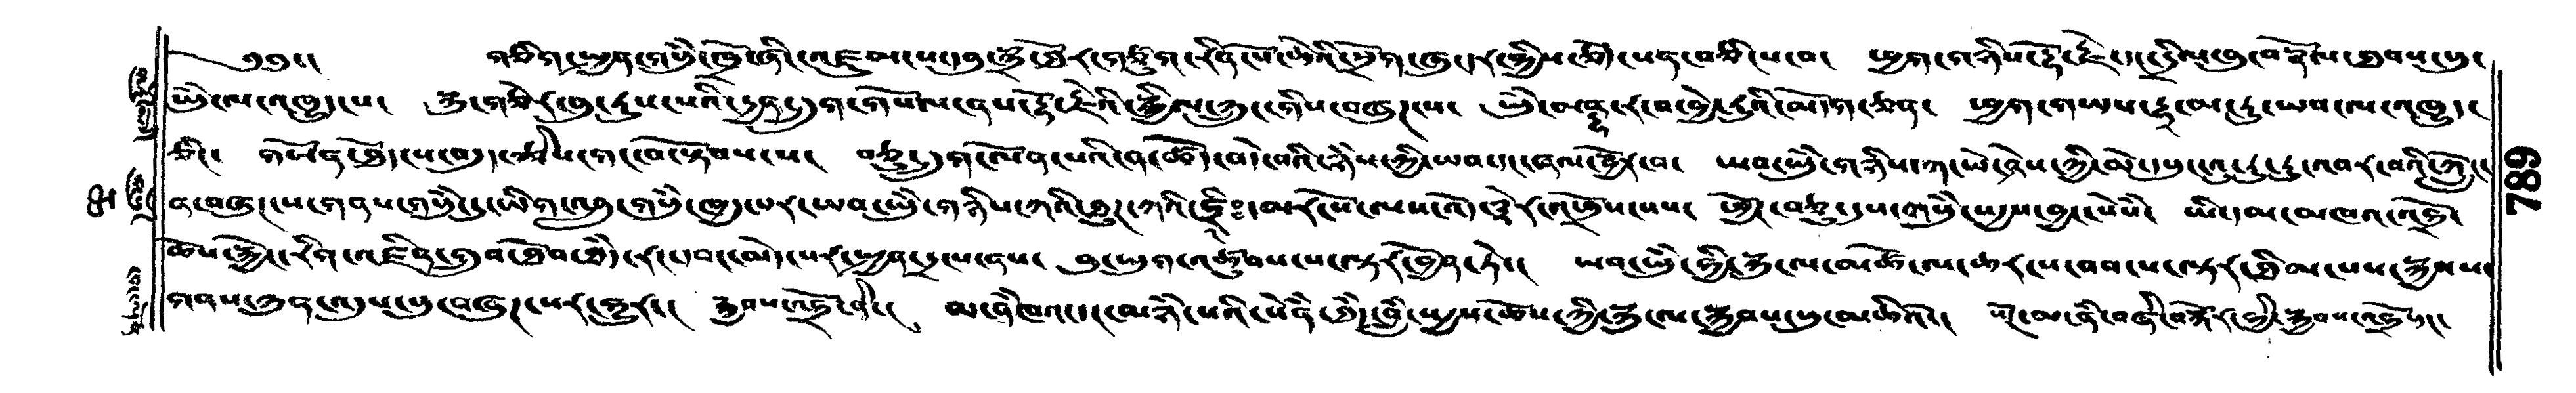གཅིག་སྤྱན་གསུམ་ཁྲོ་ཞིང་འཛུམ་པ་དབུ་སྐྲ་ཐོར་ཚུགས་རིན་པོ་ཆེའི་པྲོག་ཞུ་དར་གྱིས་ཅོད་པན་བཅིངས་བ། ཕྱག་གཉིས་རྡོ་རྗེ་དང་དྲིལ་བུ་བསྣོལ་ཐབས་སུ་
ཡུམ་ལ་འཁྱུད་པ། སྐུ་གཅེར་བུ་རུས་པའི་རྒྱན་དྲུག་གསོལ་ནས་རྡོ་རྗེའི་སྐྱིལ་ཀྲུང་གིས་བཞུགས་པ། ཡུམ་མནྡྷ་ར་བ་བྱེ་རུའི་མདོག་ཅན། ཕྱག་གཡས་ཌཱ་མ་རུ་ཡབ་ལ་འཁྱུད་
ཅིང་། གཡོན་ཐོད་ས་བདུད་རྩིས་གང་བ་སྟོབ་པ། བཅུ་དྲུག་ལཽན་པའི་ན་ཚོད། བདེ་བའི་ཉམས་ཀྱི་ཡབ་དང་ཞལ་སྦྱོར་བ། ཡབ་ཡུམ་གཉིས་ཀ་ཡེ་ཤེས་ཀྱི་མེ་དཔུང་འུ་རུ་རུ་འབར་བའི་ཀློང་
ན་བཞུགས་པ། གནས་གསུམ་དུ་ཡིག་འབྲུ་གསུམ། ཁྱད་པར་ཡབ་ཡུམ་གཉིས་ཀའི་ཐུགས་ཀའི་ཧྲཱིཿདམར་པོ་ལས་འོད་ཟེར་འཕྲོས་པས། ཕྱོགས་བཅུ་དུས་གསུམ་སངས་རྒྱས་བྱང་སེམས། ཡི་དམ་མཁའ་འགྲོ་
ཆོས་སྐྱོང་རིག་འཛིན་གྲུབ་ཐོབ་ཐམས་ཅད་རང་དབང་མེད་པར་སྤྱན་དྲངས་ནས། བུ་ཡུག་འཚུབས་པ་ལྟར་བྱོན་ཏེ། ཡབ་ཡུམ་གྱི་སྐུ་ལ་མཚོ་ལ་ཆར་པ་བབས་པ་ལྟར་ཐིམ་པས་སྐྱབས་
གནས་ཀུན་འདུས་སུ་བཞུགས་པར་གྱུར། སྐྱབས་འགྲོ་ནི། མ་ནམ་མཁའ་དང་མཉམ་པའི་སེམས་ཅན་ཐམས་ཅད་བླ་མ་སངས་རྒྱས་ཆོས་ཀྱི་སྐུ་ལ་སྐྱབས་སུ་མཆིའོ།སོགས་མ་ནམ་བཞི་བསྐོར་གྱི་སྐྱབས་འགྲོ་དང་།